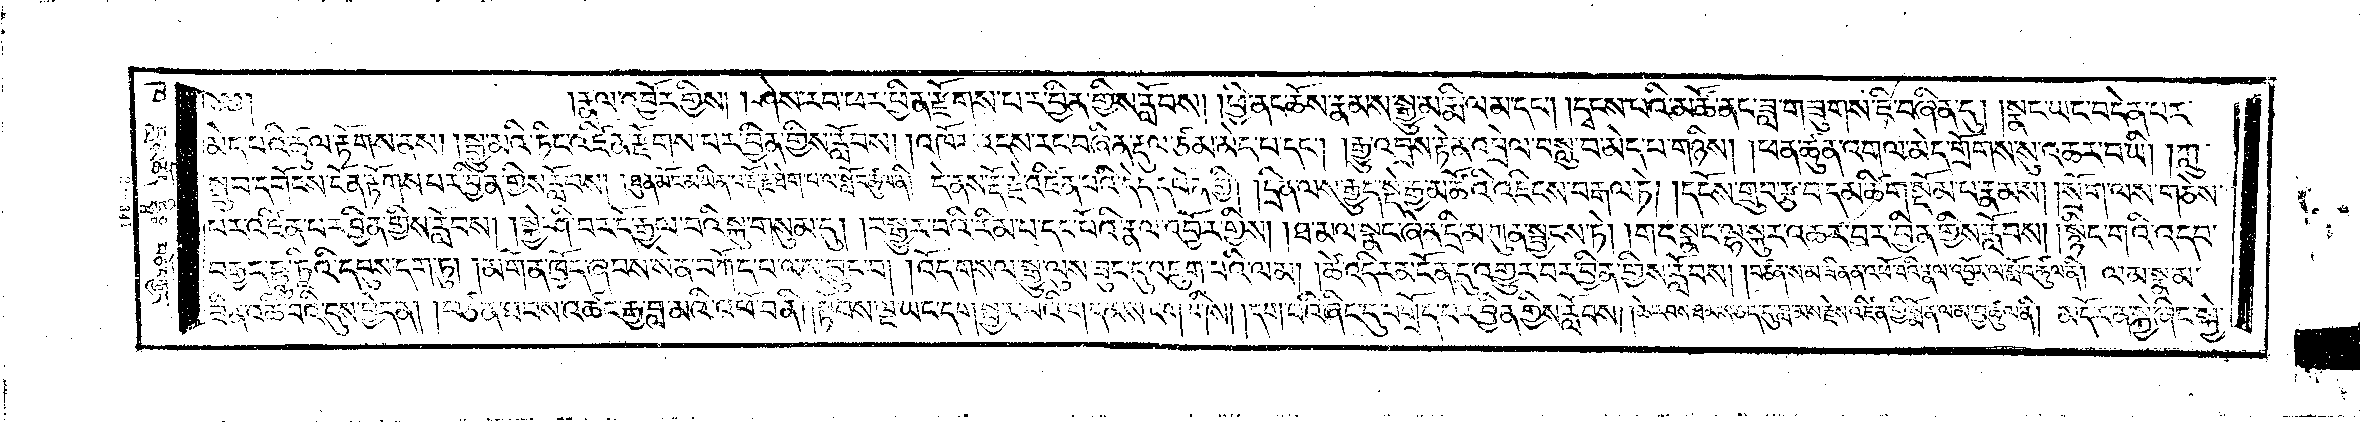༄༅། །རྣལ་འབྱོར་གྱིས། །ཤེས་རབ་ཕར་ཕྱིན་རྫོགས་པར་བྱིན་གྱིས་རློབས། །ཕྱི་ནང་ཆོས་རྣམས་སྒྱུ་མ་རྨི་ལམ་དང་། །དྭངས་པའི་མཚོ་ནང་ཟླ་གཟུགས་ཇི་བཞིན་དུ། །སྣང་ཡང་བདེན་པར་
མེད་པའི་ཚུལ་རྟོགས་ནས། །སྒྱུ་མའི་ཏིང་འཛིན་རྫོགས་པར་བྱིན་གྱིས་རློབས། །འཁོར་འདས་རང་བཞིན་རྡུལ་ཙམ་མེད་པ་དང་། །རྒྱུ་འབྲས་རྟེན་འབྲེལ་བསླུ་བ་མེད་པ་གཉིས། །ཕན་ཚུན་འགལ་མེད་གྲོགས་སུ་འཆར་བ་ཡི། །ཀླུ་
སྒྲུབ་དགོངས་དོན་རྟོགས་པར་བྱིན་གྱིས་རློབས། །ཐུན་མོང་མ་ཡིན་པ་རྡོ་རྗེ་ཐེག་པ་ལ་སློབ་ཚུལ་ནི།  དེ་ནས་རྡོ་རྗེ་འཛིན་པའི་དེད་དཔོན་གྱི། །དྲིན་ལས་རྒྱུད་སྡེ་རྒྱ་མཚོའི་འཇིངས་བརྒལ་ཏེ། །དངོས་གྲུབ་རྩ་བ་དམ་ཚིག་སྡོམ་པ་རྣམས། །སྲོག་ལས་གཅེས་
པར་འཛིན་པར་བྱིན་གྱིས་རློབས། །སྐྱེ་ཤི་བར་དོ་རྒྱལ་བའི་སྐུ་གསུམ་དུ། །བསྒྱུར་བའི་རིམ་པ་དང་པོའི་རྣལ་འབྱོར་གྱིས། །ཐ་མལ་སྣང་ཞིན་དྲི་མ་ཀུན་སྦྱངས་ཏེ། །གང་སྣང་ལྷ་སྐུར་འཆར་བར་བྱིན་གྱིས་རློབས། །སྙིང་གའི་འདབ་
བརྒྱད་དྷཱུ་ཏཱིའི་དབུས་དག་ཏུ། །མགོན་ཁྱོད་ཞབས་སེན་བཀོད་པ་ལས་བྱུང་བ། །འོད་གསལ་སྒྱུ་ལུས་ཟུང་དུ་འཇུག་པའི་ལམ། །ཚེ་འདིར་མངོན་དུ་འགྱུར་བར་བྱིན་གྱིས་རློབས། ། བཙན་ས་མ་ཟིན་ན་འཕོ་བའི་རྣལ་འབྱོར་ལ་སློབ་ཚུལ་ནི།  ལམ་སྣ་མ་
ཟིན་འཆི་བའི་དུས་བྱེད་ན། །བཙན་ཐབས་འཚང་རྒྱ་བླ་མའི་འཕོ་བ་ནི། །སྟོབས་ལྔ་ཡང་དག་སྦྱར་བའི་གདམས་ངག་གིས། །དག་པའི་ཞིང་དུ་བགྲོད་པར་བྱིན་གྱིས་རློབས། །ཆེ་རབས་ཐམས་ཅད་དུ་ཟླ་མས་རྗེས་འཛིན་གྱི་སྨོན་ལམ་བྱ་ཚུལ་ནི།  མདོར་ན་སྐྱེ་ཞིང་སྐྱེ་